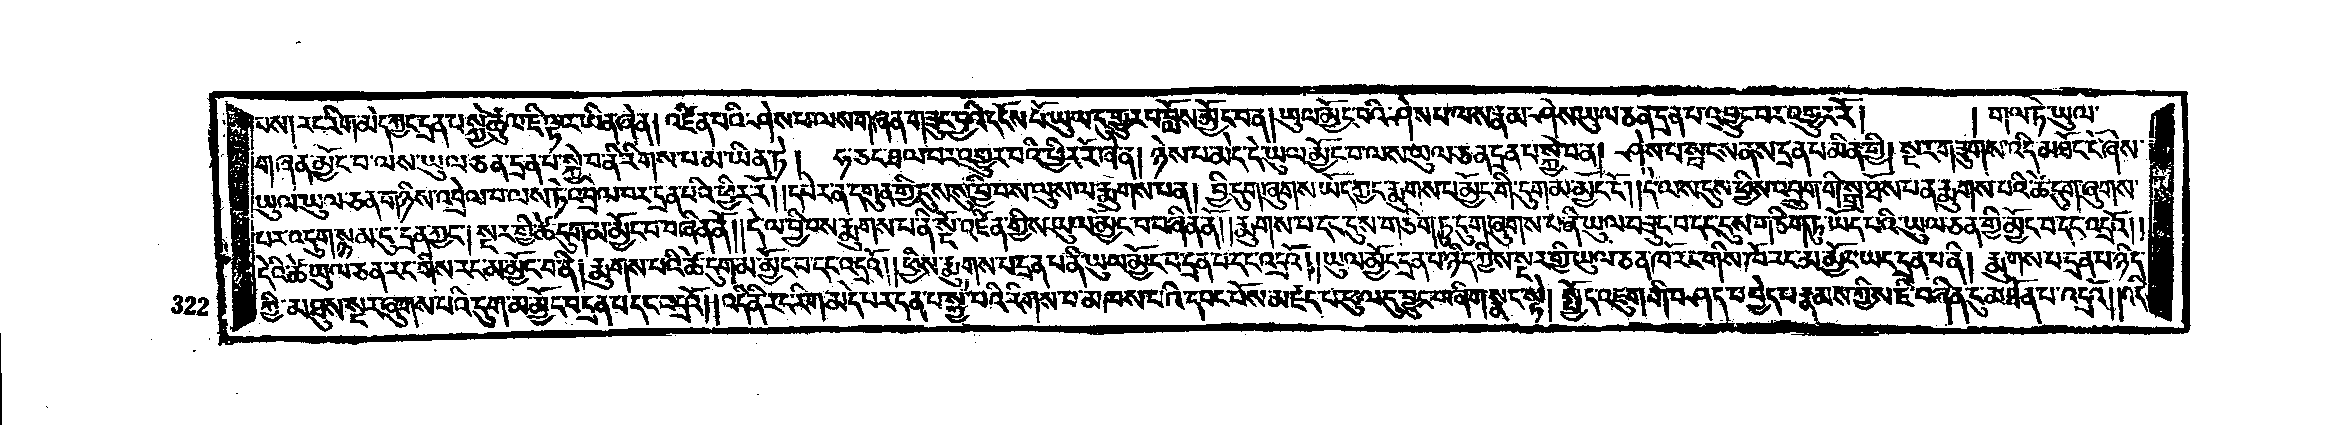པས། རང་རིག་མེད་ཀྱང་དྲན་པ་སྐྱེ་ཚུལ་ཇི་ལྟར་ཡིན་ཞེ་ན། འཛིན་པའི་ཤེས་པ་ལས་གཞན་གཟུང་བྱའི་དངོས་པོ་ཡུལ་དུ་གྱུར་པ་བློས་མྱོང་བ་ན། ཡུལ་མྱོང་བའི་ཤེས་པ་ལས་རྣམ་ཤེས་ཡུལ་ཅན་དྲན་པ་འབྱུང་བར་འགྱུར་རོ། །གལ་ཏེ་ཡུལ་
གཞན་མྱོང་བ་ལས་ཡུལ་ཅན་དྲན་པ་སྐྱེ་བ་ནི་རིགས་པ་མ་ཡིན་ཏེ། ཧ་ཅང་ཐལ་བར་འགྱུར་བའི་ཕྱིར་རོ་ཞེ་ན། ཉེས་པ་མེད་དེ་ཡུལ་མྱོང་བ་ལས་ཡུལ་ཅན་དྲན་པ་སྐྱེ་བ་ན། ཤེས་པ་སྤངས་ནས་དྲན་པ་མིན་གྱི། སྔར་གཟུགས་འདི་མཐོང་ངོ་ཞེས་
ཡུལ་ཡུལ་ཅན་གཉིས་འབྲེལ་བ་ལས་ཏེ་འབྲེལ་བར་དྲན་པའི་ཕྱིར་རོ། །དཔེར་ན་དགུན་གྱི་དུས་སུ་བྱི་བས་ལུས་ལ་རྨུགས་པ་ན། བྱི་དུག་ཞུགས་ཡོད་ཀྱང་རྨུགས་པ་མྱོང་གི་དུག་མ་མྱོང་ངོ། །དེ་ལས་དུས་ཕྱིས་འབྲུག་གི་སྒྲ་ཐོས་པ་ན་རྨུགས་པའི་ཚེ་དུག་ཞུགས་
པར་འདུག་སྙམ་དུ་དྲན་ཀྱང་། སྔར་གྱི་ཚེ་དུག་མ་མྱོང་བ་བཞིན་ནོ། །དེ་ལ་བྱི་བས་རྨུགས་པ་ནི་སྔོ་འཛིན་གྱིས་ཡུལ་མྱོང་བ་བཞིན་ནོ། །རྨུགས་པ་དང་དུས་གཅིག་ཏུ་དུག་ཞུགས་པ་ནི་ཡུལ་བཟུང་བ་དང་དུས་གཅིག་ཏུ་ཡོད་པའི་ཡུལ་ཅན་གྱི་མྱོང་བ་དང་འདྲའོ། །
དེའི་ཚེ་ཡུལ་ཅན་རང་གིས་རང་མ་མྱོང་བ་ནི། རྨུགས་པའི་ཚེ་དུག་མ་མྱོང་བ་དང་འདྲའོ། །ཕྱིས་རྨུགས་པ་དྲན་པ་ནི་ཡུལ་མྱོང་བ་དྲན་པ་དང་འདྲའོ། །ཡུལ་མྱོང་དྲན་པ་ཉིད་ཀྱིས་སྔར་གྱི་ཡུལ་ཅན་ཁོ་རང་གིས་ཁོ་རང་མ་མྱོང་ཡང་དྲན་པ་ནི། རྨུགས་པ་དྲན་པ་ཉིད་
ཀྱི་མཐུས་སྔར་ཞུགས་པའི་དུག་མ་མྱོང་བ་དྲན་པ་དང་འདྲའོ། །འདི་ནི་རང་རིག་མེད་པར་དྲན་པ་སྐྱེ་བའི་རིགས་པ་མཁས་པའི་དབང་པོས་མཛད་པ་ཕུལ་དུ་བྱུང་བ་ཞིག་སྣང་སྟེ། སྤྱོད་འཇུག་གི་བཤད་པ་བྱེད་པ་རྣམས་ཀྱིས་ཇི་བཞིན་དུ་མཐོན་པ་འདྲའོ། །འདི་